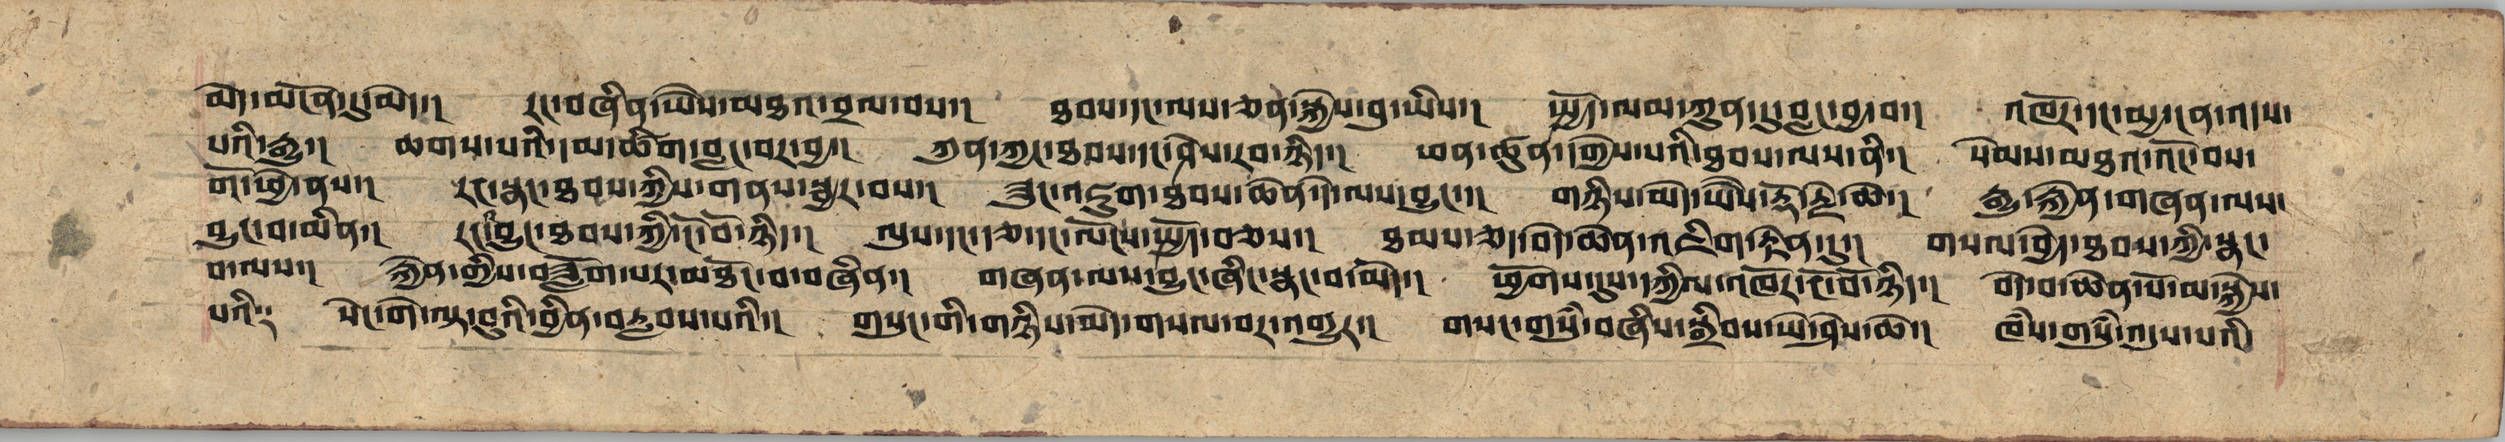མེད་མངོན་དུ་མེད་། རང་བཞིན་ཡཻས་མཐའ་བྲལ་བས་། ཐབས་དང་ལས་ཅན་སྐྱེས་བུ་ཡིས་། སྤྱོད་ལམ་ཀུན་དུ་བླང་བྱ་བ་། འཁོར་དང་མྱ་ངན་འདས་
པའི་རྒྱུ་། ཆགས་པའི་དམ་ཚིག་བླང་བར་བྱ་། ཀུན་ཀྱང་ཐབས་དང་ཤེས་རབ་ཉིད་། ཕན་ཚུན་དགྱེས་པའི་ཐབས་ལས་ནི་། སེམས་མཐའ་འོང་བས་
གོ་ཕྱེ་ནས་། རང་སྣང་ཐབས་ཀྱིས་གནས་སྦྱར་བས་། ཟུང་འཇུག་ཐབས་ཆེན་དེ་ལས་བྱུང་་། གཉིས་མེད་ཡཻས་རྡོ་རྗེ་ཆེ་། རྒྱུ་རྐྱེན་གཞན་ལས་
བྱུང་བ་ཡིན་། རང་འབྱུང་ཐབས་ཀྱི་ངོ་བོ་ཉིད་། ལུས་དང་རྩ་དང་ལོངས་སྤྱོད་བཅས་། ཐམས་ཅད་བདེ་ཆེན་འཇིག་རྟེན་དུ་། གསལ་བྱེད་ཐབས་ཀྱི་སྣང་
བ་ལས་། རྐྱེན་གྱིས་བཟློག་པར་མཐོང་བ་བཞིན་། གཞན་ལས་བྱུང་ཞིང་སྣང་བ་མེད་། ཕྱོགས་དུས་དཀྱིལ་འཁོར་ངོ་བོ་ཉིད་། བདེ་བ་ཆེན་པོ་མ་སྐྱེས་
པའི༑ སེང་གེ་ལྟ་བུའི་བྱིན་བརླབས་པའི་། གསུང་གི་གཉིས་མེད་གསལ་བར་འགྱུར་། གསང་གསུཾ་བཞིས་སྒྲིབས་ཡེ་ཤེས་ཆེ་། ཁཾས་གསུཾ་འདུས་པའི་